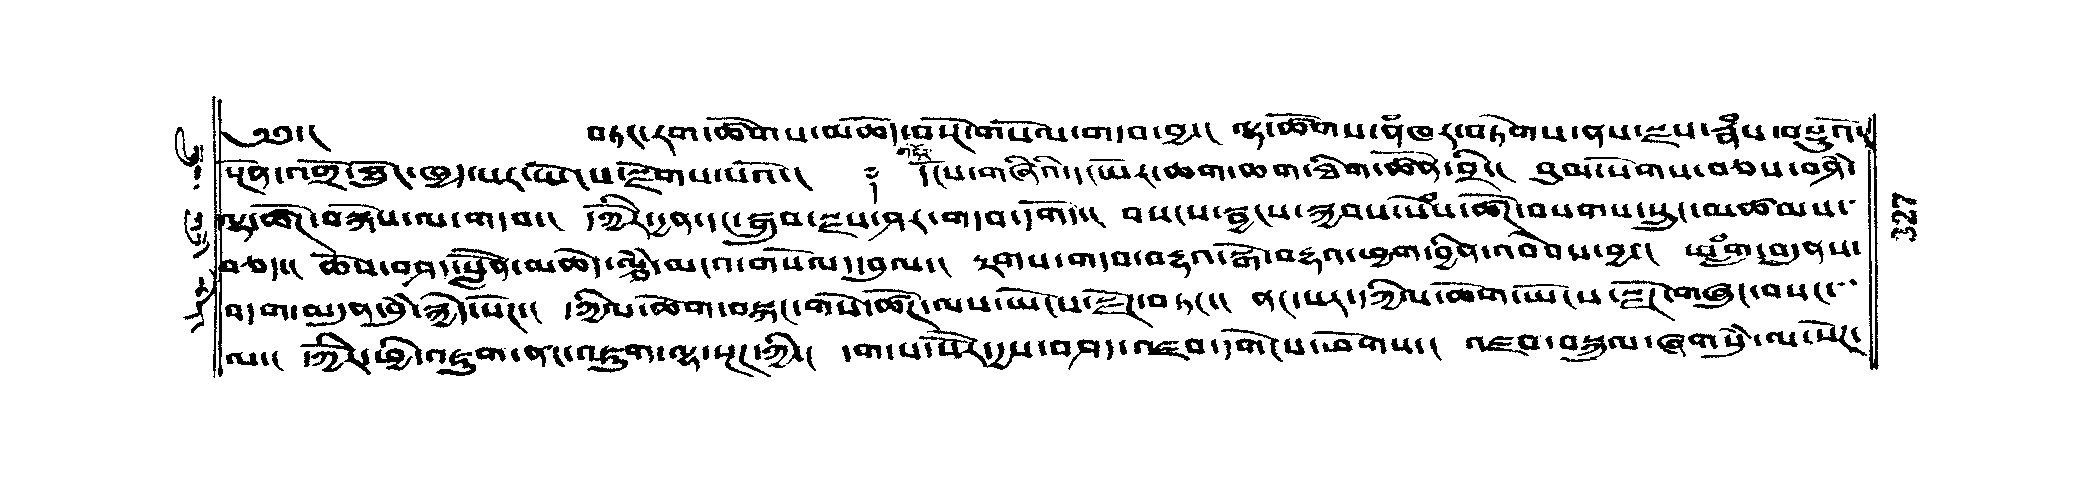བཏང་རག་ཚོགས་མཆོད་གཏོར་བསྔོ་གསོལ་གདབ་བྱ། །ལྷ་ཚོགས་ནམ་མཁར་བཏེགས་ནས་རྫས་རྣམས་བསྡུའོ། 
སྔོན་འགྲོ་ཐུན་མོང་ཁྱད་པར་ཡོངས་རྫོགས་པའོ། ༈ དངོས་གཞི་དང་པོར་ཆག་ཆག་ཐིག་ཚོན་བྲི། །བུམ་སོགས་བཅས་བཤད་
ལྷ་ཚོགས་བསྐོས་ལ་གདབ། །དཀྱིལ་འཁོར་རྒྱན་དང་སྒྲུབ་རྫས་ཤར་གདབ་དགོད། །བསངས་སྦྱངས་སྐྱབས་སེམས་ཚོགས་བསགས་སྲུང་མཚམས་
བཅད། །ཆོས་བཤད་སློབ་དཔོན་མཆེད་ལྕམ་མངའ་གསོལ་འབུལ། །རྟགས་གདབ་བརྡའ་སྒོ་བརྡའ་ཕྱག་བྱིན་འབེབས་བྱ། །ཡན་ལག་བདུན་པ་
བདག་མདུན་བུམ་སྐྱེད་སོགས། །དཀྱིལ་ཆོག་བསྐང་གསོ་ཚོགས་ལས་ཡོངས་རྫོགས་བཏགས། །ནང་པར་དཀྱིལ་ཆོག་ཡོངས་རྫོགས་གཞུང་བསང་
ལ། །དཀྱིལ་འཁོར་ཕྱི་འཇུག་ནང་འཇུག་ལྷ་སྔགས་ཀྱི། །དག་པ་སོ་སོར་རྒྱས་བཤད་འཛབ་དགོངས་ཕོགས། །འཛབ་བསྐུལ་ཞག་གསུམ་ལ་སོགས་